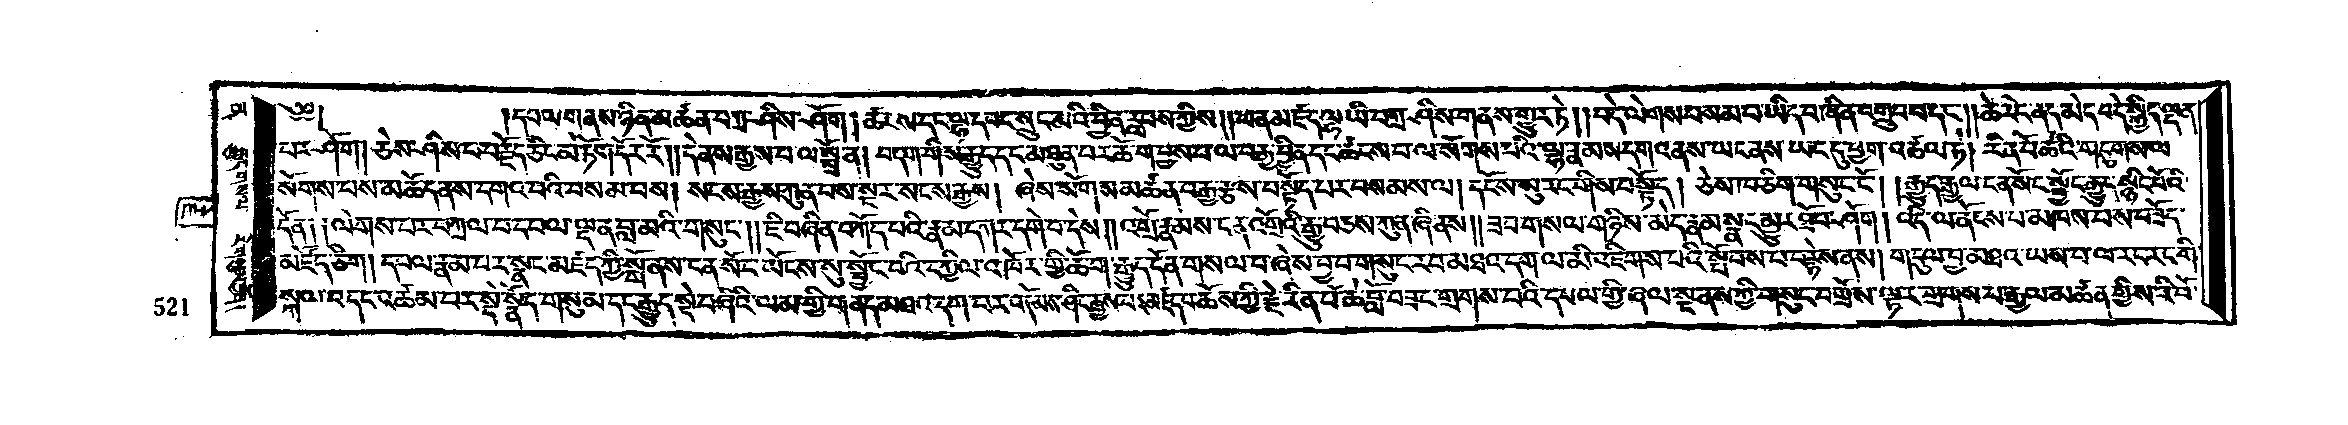༄༅། །དཔལ་གནས་ཉིན་མཚན་བཀྲ་ཤིས་ཤོག །ཚངས་དང་ལྷ་དབང་སྲུང་མའི་བྱིན་རླབས་ཀྱིས། །ཕན་མཛད་ལྷ་ཡི་བཀྲ་ཤིས་གནས་གྱུར་ཏེ། །བདེ་ལེགས་བསམ་པ་ཡིད་བཞིན་འགྲུབ་པ་དང་། །ཚེ་རིང་ནད་མེད་བདེ་སྐྱིད་ལྡན་
པར་ཤོག །ཅེས་ཤིས་པ་བརྗོད་ཅིང་མེ་ཏོག་དོར་རོ། །དེ་ནས་རྒྱས་པ་ལ་སྤྲོ་ན། བདག་གིས་རྒྱུད་དང་མཐུན་པར་ཆོ་ག་བྱས་པ་ལ་བརྒྱ་བྱིན་དང་ཚངས་པ་ལ་སོགས་པའི་ལྷ་རྣམས་དགའ་ནས་ཡང་ནས་ཡང་དུ་ཕྱག་འཚལ་ཏེ། རིན་པོ་ཆེའི་གདུགས་ལ་
སོགས་པས་མཆོད་ནས་དགའ་བའི་བསམ་པས། སངས་རྒྱས་ཀུན་པས་སྔར་སངས་རྒྱས། ཞེས་སོགས་མཚན་བརྒྱ་རྩས་བསྟོད་པར་བསམས་ལ། དངོས་སུ་རང་གིས་བསྟོད། ཅེས་ཁ་ཅིག་གསུང་ངོ། །རྒྱུད་རྒྱལ་ངན་སོང་སྦྱོང་རྒྱུད་སྙིང་པོའི་
དོན། །ལེགས་པར་བཀྲལ་བ་དཔལ་ལྡན་བླ་མའི་གསུང་། །ཇི་བཞིན་བཀོད་པའི་རྣམ་དཀར་དགེ་བ་དེས། །འགྲོ་རྣམས་ངན་འགྲོའི་རྒྱུ་བཅས་ཀུན་ཞི་ནས། །ཟབ་གསལ་གཉིས་མེད་རྣམ་སྣང་མྱུར་ཐོབ་ཤོག །འདི་ལ་ནོངས་པ་མཁས་པས་བཟོད་
མཛོད་ཅིག །དཔལ་རྣམ་པར་སྣང་མཛད་ཀྱི་སྒོ་ནས་ངན་སོང་ཡོངས་སུ་སྦྱོང་བའི་དཀྱིལ་འཁོར་གྱི་ཆོ་ག་རྒྱུད་དོན་གསལ་བ་ཞེས་བྱ་བ་གསུང་རབ་མཐའ་དག་ལ་མི་འཇིགས་པའི་སྤོབས་པ་བརྙེས་ནས། གདུལ་བྱ་མཐའ་ཡས་པ་ལ་རང་རང་གི་
སྐལ་བ་དང་འཚམ་པར་སྡེ་སྣོད་གསུམ་དང་རྒྱུད་སྡེ་བཞིའི་ལམ་གྱི་གནད་མཐའ་དག་པར་འདོམས་ཤིང་རྒྱས་པར་མཛད་པ་ཆོས་ཀྱི་རྗེ་རིན་པོ་ཆེ་བློ་བཟང་གྲགས་པའི་དཔལ་གྱི་ཞལ་སྔ་ནས་ཀྱི་གསུང་བགྲོས་ལྟར་གྲགས་པ་རྒྱལ་མཚན་གྱིས་རི་བོ་